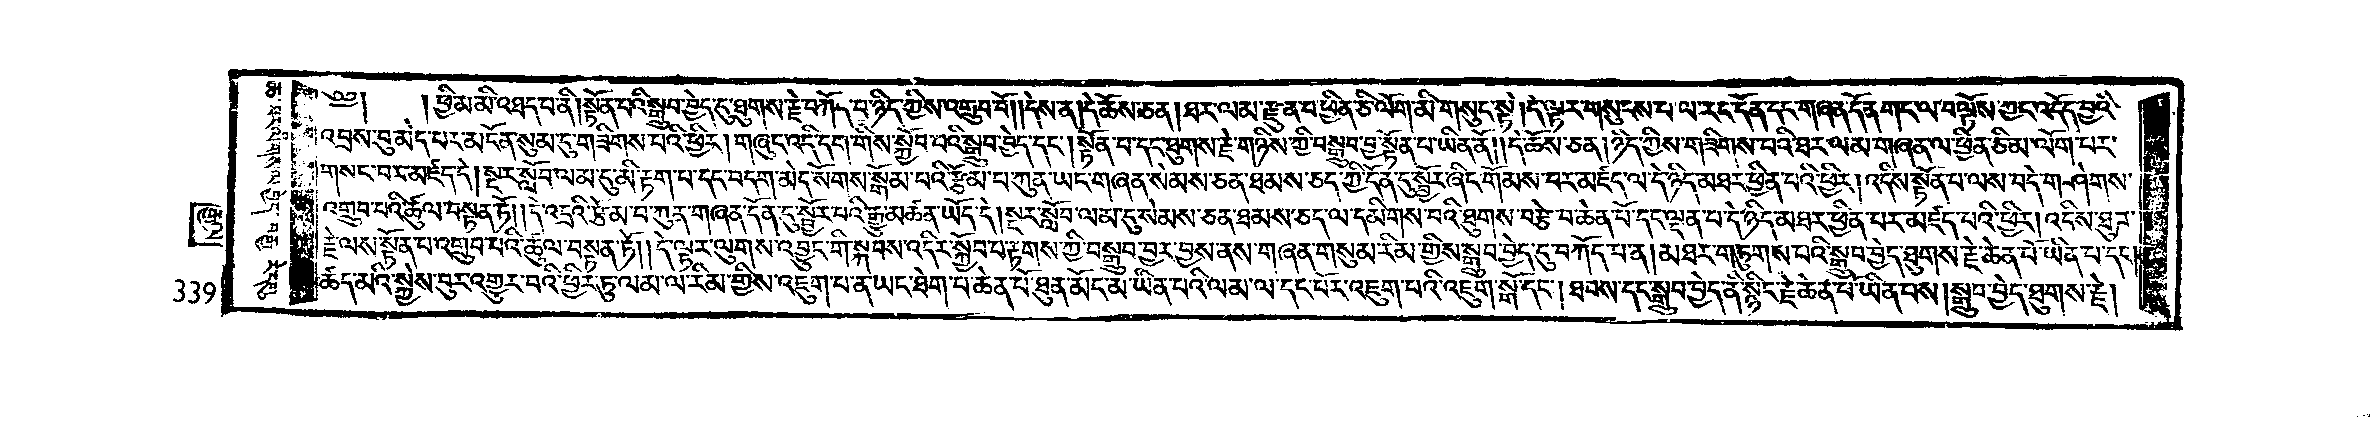༄༅། །ཕྱི་མ་མི་འཐད་པ་ནི། སྟོན་པའི་སྒྲུབ་བྱེད་དུ་ཐུགས་རྗེ་བཀོད་པ་ཉིད་ཀྱིས་འགྲུབ་བོ། །དེས་ན། དེ་ཆོས་ཅན། ཐར་ལམ་རྫུན་པ་ཕྱིན་ཅི་ལོག་མི་གསུང་སྟེ། དེ་ལྟར་གསུངས་པ་ལ་རང་དོན་དང་གཞན་དོན་གང་ལ་བལྟོས་ཀྱང་འདོད་བྱའི་
འབྲས་བུ་མེད་པར་མངོན་སུམ་དུ་གཟིགས་པའི་ཕྱིར། གཞུང་འདི་དག་གིས་སྐྱོབ་པའི་སྒྲུབ་བྱེད་དང་། སྟོན་པ་དང་ཐུགས་རྗེ་གཉིས་ཀྱི་བསྒྲུབ་བྱ་སྟོན་པ་ཡིན་ནོ། །དེ་ཆོས་ཅན། ཉིད་ཀྱིས་གཟིགས་པའི་ཐར་ལམ་གཞན་ལ་ཕྱིན་ཅི་མ་ལོག་པར་
གསང་བར་མཛད་དེ། སྔར་སློབ་ལམ་དུ་མི་རྟག་པ་དང་བདག་མེད་སོགས་སྒོམ་པའི་རྩོམ་པ་ཀུན་ཡང་གཞན་སེམས་ཅན་ཐམས་ཅད་ཀྱི་དོན་དུ་སྦྱོར་ཞིང་གོམས་པར་མཛད་ལ་དེ་ཉིད་མཐར་ཕྱིན་པའི་ཕྱིར། འདིས་སྟོན་པ་ལས་བདེ་གཤེགས་
འགྲུབ་པའི་ཚུལ་བསྟན་ཏོ། །དེ་འདྲའི་རྩོམ་པ་ཀུན་གཞན་དོན་དུ་སྦྱོར་བའི་རྒྱུ་མཚན་ཡོད་དེ། སྔར་སློབ་ལམ་དུ་སེམས་ཅན་ཐམས་ཅད་ལ་དམིགས་པའི་ཐུགས་བརྩེ་བ་ཆེན་པོ་དང་ལྡན་པ་དེ་ཉིད་མཐར་ཕྱིན་པར་མཛད་པའི་ཕྱིར། འདིས་ཐུགས་
རྗེ་ལས་སྟོན་པ་འགྲུབ་པའི་ཚུལ་བསྟན་ཏོ། །དེ་ལྟར་ལུགས་འབྱུང་གི་སྐབས་འདིར་སྐྱོབ་པ་རྟགས་ཀྱི་བསྒྲུབ་བྱར་བྱས་ནས་གཞན་གསུམ་རིམ་གྱིས་སྒྲུབ་བྱེད་དུ་བཀོད་པ་ན། མཐར་གཏུགས་པའི་སྒྲུབ་བྱེད་ཐུགས་རྗེ་ཆེན་པོ་ཡིན་པ་དང་།
ཚད་མའི་སྐྱེས་བུར་འགྱུར་བའི་ཕྱིར་ཏུ་ལམ་ལ་རིམ་གྱིས་འཇུག་པ་ན་ཡང་ཐེག་པ་ཆེན་པོ་ཐུན་མོང་མ་ཡིན་པའི་ལམ་ལ་དང་པོར་འཇུག་པའི་འཇུག་སྒོ་དང་། ཐབས་དང་སྒྲུབ་བྱེད་ནི་སྙིང་རྗེ་ཆེན་པོ་ཡིན་པས། སྒྲུབ་བྱེད་ཐུགས་རྗེ།